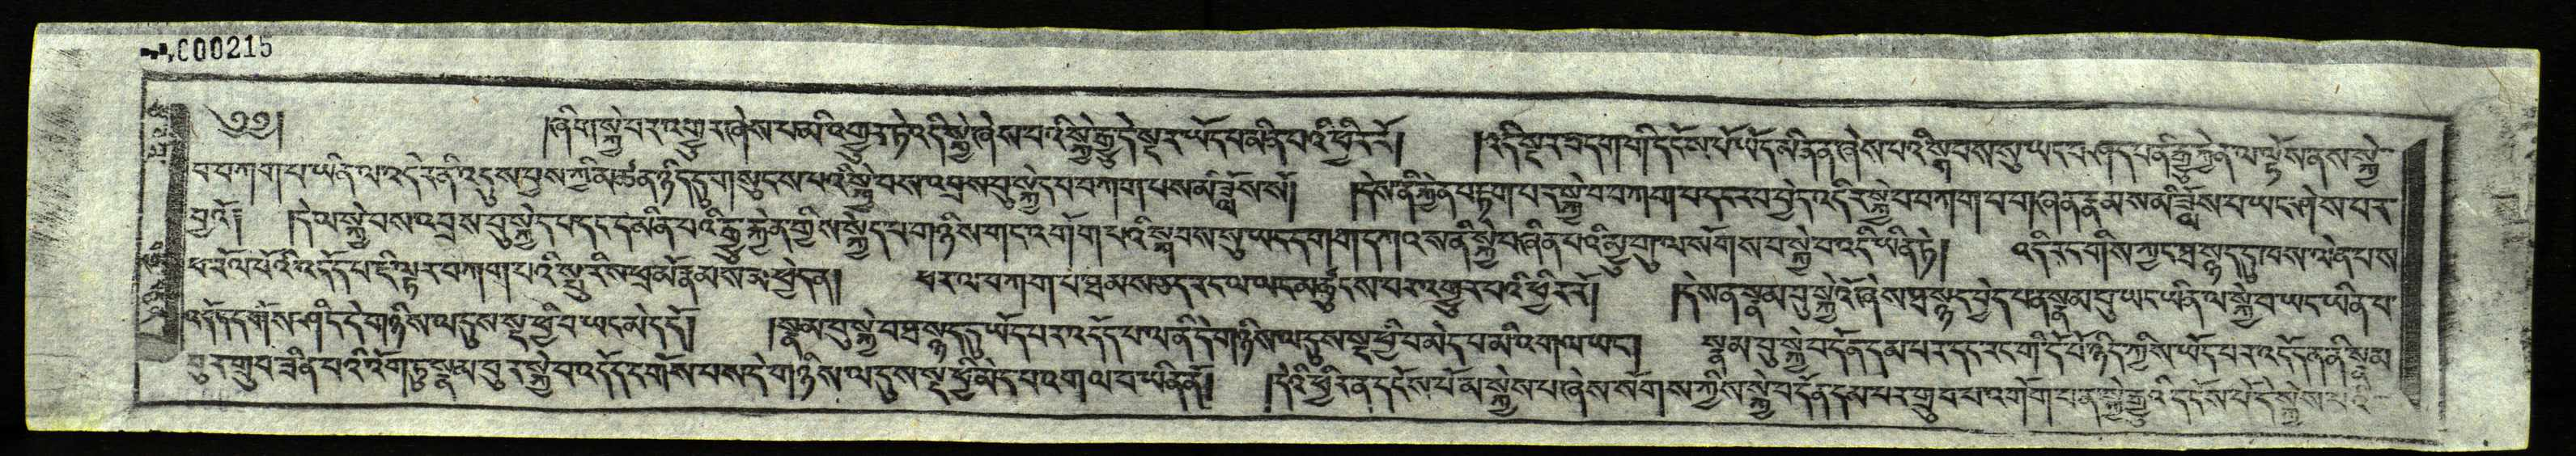༄༅། །ཞིག་སྐྱེ་བར་འགྱུར་ཞེས་པ་མི་འགྱུར་ཏེ་འདི་སྐྱེ་ཞེས་པའི་སྐྱེ་རྒྱུ་དེ་སྔར་ཡོད་པ་མིན་པའི་ཕྱིར་རོ། །འདི་སྔར་བདག་གི་དངོས་པོ་ཡོད་མིན་ན་ཞེས་པའི་སྐབས་སུ་ཡང་བཤད་པ་ནི་རྒྱུ་རྐྱེན་ལ་ལྟོས་ནས་སྐྱེ་
པ་བཀག་པ་ཡིན་ལ་འདིར་ནི་འདུས་བྱས་ཀྱི་མཚན་ཉིད་དུ་གསུངས་པའི་སྐྱེ་བས་འབྲས་བུ་སྐྱེད་པ་བཀག་པས་མི་ཟློས་སོ། །དེས་ནི་རྐྱེན་བརྟག་པར་སྐྱེ་བ་བཀག་པ་དང་རབ་བྱེད་འདིར་སྐྱེ་བ་བཀག་པ་གཞན་རྣམས་མི་ཟློས་པ་ཡང་ཤེས་པར་
བྱའོ༑ །དེ་ལ་སྐྱེ་པས་འབྲས་བུ་སྐྱེད་པ་དང་དམིན་པའི་རྒྱུ་རྐྱེན་གྱིས་སྐྱེད་པ་གཉིས་གང་འགོག་པའི་སྐབས་སུ་ཡང་དགག་དཀའ་ས་ནི་སྐྱེ་བཞིན་པའི་མྱུ་གུ་ལ་སོགས་པ་སྐྱེ་པ་འདི་ཡིན་ཏེ། འདི་རང་གིས་ཀྱང་ཐ་སྙད་དུ་ཁས་ལེན་པས་
ཕ་རོལ་པོའི་འདོད་པ་ཇི་ལྟར་བཀག་པའི་སྤུ་རིས་ཕྲ་མོ་རྣམས་མ་ཕྱེད་ན། ཕར་ལ་བཀག་པ་ཐམས་ཅད་རང་ལ་ཡང་མཚུངས་པར་འགྱུར་པའི་ཕྱིར་རོ། །དེས་ན་སྣམ་བུ་སྐྱེའོ་ཞེས་ཐ་སྙད་བྱེད་པ་ན་སྣམ་བུ་ཡང་ཡིན་ལ་སྐྱེ་བ་ཡང་ཡིན་པ་
འདོད་དགོས་ཤིང་དེ་གཉིས་ལ་དུས་སྔ་ཕྱི་བ་ཡང་མེད་དོ། །སྣམ་བུ་སྐྱེ་པ་ཐ་སྙད་དུ་ཡོད་པར་འདོད་པ་ལ་ནི་དེ་གཉིས་ལ་དུས་སྔ་ཕྱི་པ་མེད་པ་མི་འགལ་ཡང་། སྣམ་བུ་སྐྱེ་བ་དོན་དམ་པར་དང་རང་གི་ངོ་བོ་ཉིད་ཀྱིས་ཡོད་པར་འདོད་ན་ནི་སྣམ་
བུར་གྲུབ་ཟིན་པའི་འོག་ཏུ་སྣམ་བུར་སྐྱེ་བ་འདོད་དགོས་པས་དེ་གཉིས་ལ་དུས་སྔ་ཕྱི་མེད་པ་འགལ་བ་ཡིན་ནོ། །དེའི་ཕྱིར་ན་དངོས་པོ་མ་སྐྱེས་པ་ཞེས་སོགས་ཀྱིས་སྐྱེ་བ་དོན་དམ་པར་གྲུབ་པ་འགོག་པ་ན་སྐྱེ་རྒྱུའི་དངོས་པོ་དེ་སྐྱེས་པའི་